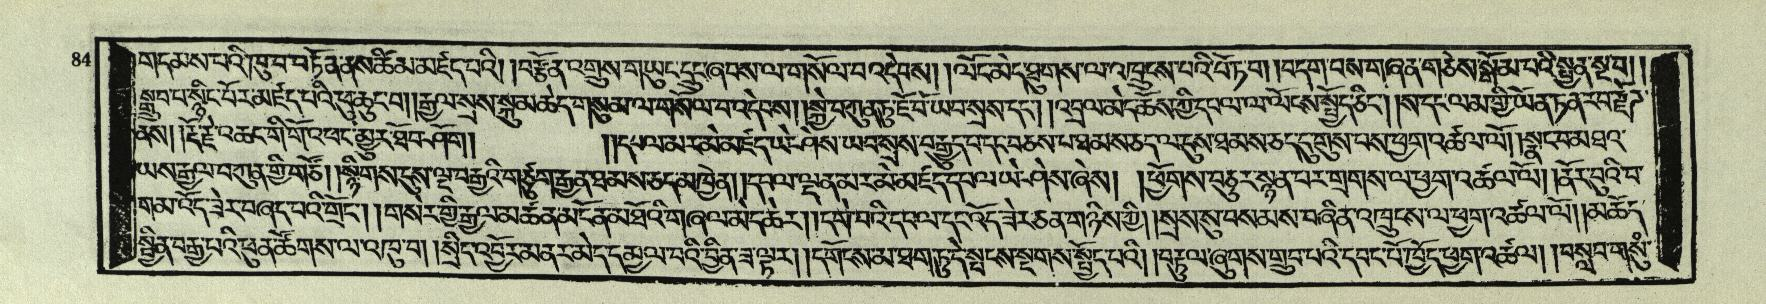གདམས་པའི་ཁུ་བ་བཏོན་ནས་ཚིམ་མཛད་པའི། །བརྩོན་འགྲུས་གཡུང་དྲུང་ཞབས་ལ་གསོལ་བ་འདེབས། །ལོང་མེད་ཐུགས་ལ་འཁྲུངས་པའི་པོ་ཏ་བ། །བདག་བས་གཞན་གཅེས་སྒོམ་པའི་སྤྱན་སྔ་བ།།
སྒྲུབ་པ་སྙིང་པོར་མཛད་པའི་ཕུ་ཆུང་བ། །རྒྱལ་སྲས་སྐུ་མཆེད་གསུམ་ལ་གསོལ་བ་འདེབས། །སྐྱེ་བ་ཀུན་ཏུ་ཇོ་བོ་ཡབ་སྲས་དང་། །འབྲལ་མེད་ཆོས་ཀྱི་དཔལ་ལ་ལོངས་སྤྱོད་ཅིང་། །ས་དང་ལམ་གྱི་ཡོན་ཏན་རབ་རྫོཌ་
ནས། །རྡོ་རྗེ་འཆང་གི་གོ་འཕང་མྱུར་ཐོབ་ཤོག། །།དཔལ་མར་མེ་མཛད་ཡེ་ཤེས་ཡབ་སྲས་བརྒྱུད་བ་དང་བཅས་པ་ཐམས་ཅད་ལ་དུས་ཐམས་ཅད་དུ་གུས་པས་ཕྱག་འཚལ་ལོ། །སྣང་བ་མཐའ་
ཡས་རྒྱལ་བ་ཀུན་གྱི་གཙོ། །སྙིགས་དུས་ལྔ་བརྒྱའི་གཙུག་རྒྱན་ཐམས་ཅད་མཁྱེན། །དཔལ་ལྡན་མར་མེ་མཛད་དཔལ་ཡེ་ཤེས་ཞེས། །ཕྱོགས་བཅུར་སྙན་པར་གྲགས་ལ་ཕྱག་འཚལ་ལོ། །ནོར་བུའི་བ་
གམ་འོད་ཟེར་བཞད་པའི་གྲོང་། །གསེར་གྱི་རྒྱལ་མཚན་མངོན་མཐོའི་གཞལ་མེད་ཆེར། །དགེ་བའི་དཔལ་དང་འོད་ཟེར་ཅན་གཉིས་ཀྱི། །སྲས་སུ་བསམས་བཞིན་འཁྲུངས་ལ་ཕྱག་འཚལ་ལོ། །མཆོད་
སྦྱིན་བརྒྱ་པའི་ཕུན་ཚོགས་ལ་འཁུ་བ། །སྲིད་འབྱོར་མནར་མེད་དམྱལ་བའི་བྱིན་ཟ་ལྟར། །དགོངས་མ་ཐག་ཏུ་དེ་སྤངས་སྔགས་སྤྱོད་པའི། །བརྟུལ་ཞུགས་གྲུབ་པའི་དབང་པོ་ཁྱོད་ཕྱག་འཚལ། །བསླབ་གསུཾ་